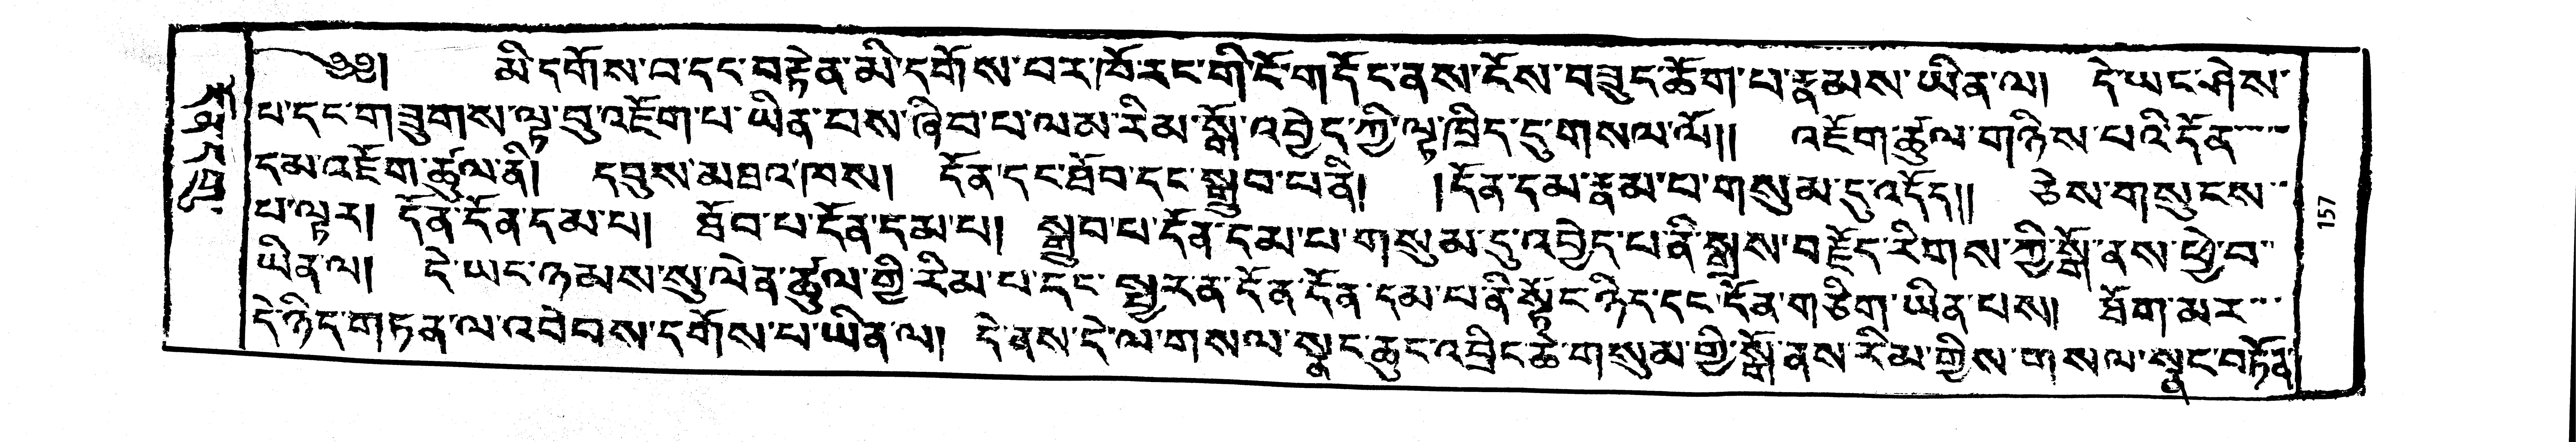༄༅། །མི་དགོས་བ་དང་བརྟེན་མི་དགོས་པར་ཁོ་རང་གི་ངོ་གདོང་ནས་ངོས་བཟུང་ཆོག་པ་རྣམས་ཡིན་ལ། དེ་ཡང་ཤེས་
པ་དང་གཟུགས་ལྟ་བུ་འཇོག་པ་ཡིན་པས་ཞིབ་པ་ལམ་རིམ་སྒོ་འབྱེད་ཀྱི་ལྟ་ཁྲིད་དུ་གསལ་ལོ། །འཇོག་ཚུལ་གཉིས་པའི་དོན་
དམ་འཇོག་ཚུལ་ནི། དབུས་མཐའ་ཁས། དོན་དང་ཐོབ་དང་སྒྲུབ་པ་ནི། །དོན་དམ་རྣམ་པ་གསུམ་དུ་འདོད། །ཅེས་གསུངས་
པ་ལྟར། དོན་དོན་དམ་པ། ཐོབ་པ་དོན་དམ་པ། སྒྲུབ་པ་དོན་དམ་པ་གསུམ་དུ་འབྱེད་པ་ནི་སྒྲས་བརྗོད་རིགས་ཀྱི་སྒོ་ནས་ཕྱེ་བ་ཡིན་ལ། དེ་ཡང་ཉམས་སུ་ལེན་ཚུལ་གྱི་རིམ་པ་དང་སྦྱར་ན་དོན་དོན་དམ་པ་ནི་སྟོང་ཉིད་དང་སོན་གཅིག་ཡིན་པས། ཐོག་མར་
དེ་ཉིད་གཏན་ལ་འབེབས་དགོས་པ་ཡིན་ལ། དེ་ནས་དེ་ལ་གསལ་སྣང་ཆུང་འབྲིང་ཆེ་གསུམ་གྱི་སྒོ་ནས་རིམ་གྱིས་གསལ་སྣང་བཏོན་